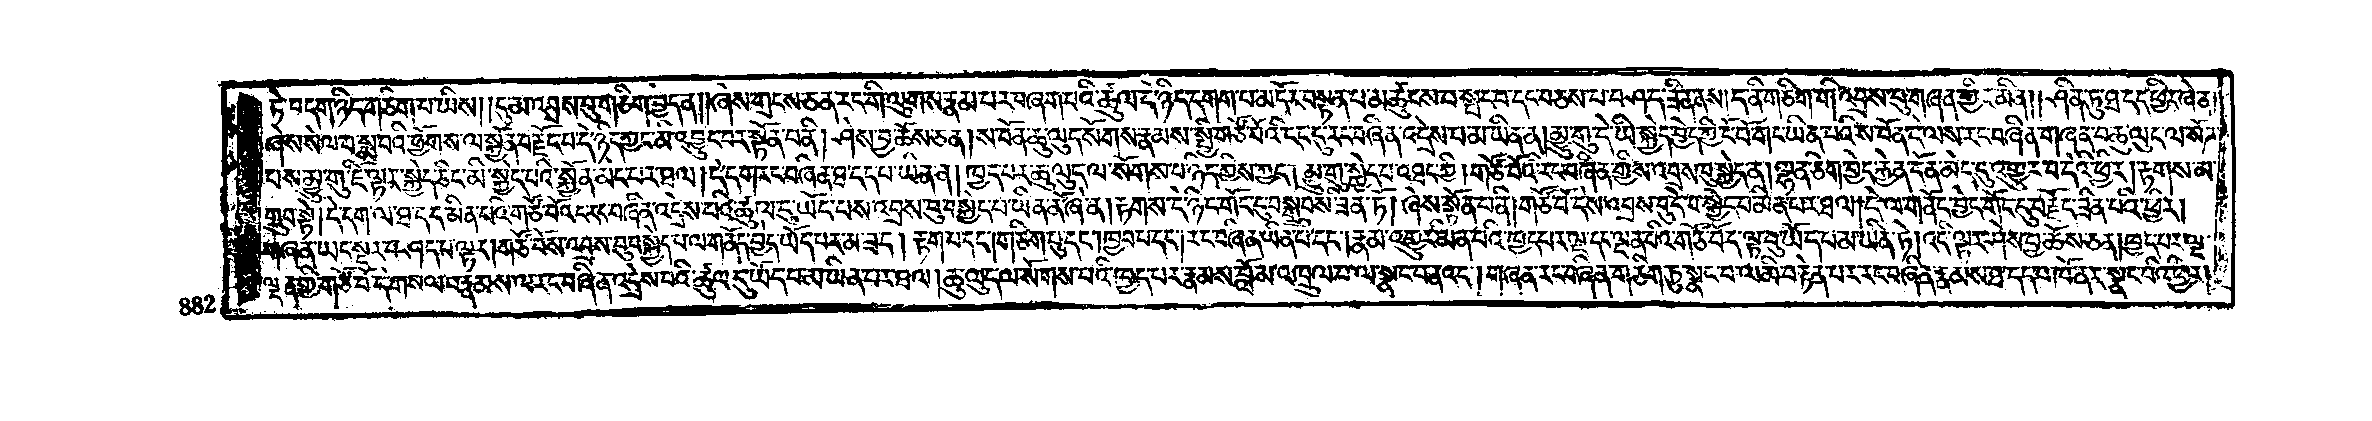ཏེ་བདག་ཉིད་གཅིག་པ་ཡིས། །དུ་མ་འབྲས་བུ་གཅིག་བྱེད་ན། །ཞེས་གྲངས་ཅན་རང་གི་ལུགས་རྣམ་པར་བཞག་པའི་ཚུལ་དེ་ཉིད་དགག་པ་མདོར་བསྟན་པ་མཚུངས་པ་སྤང་བ་དང་། བཅས་པ་བཤད་ཟིན་ནས། ད་ནི་གཅིག་གི་འབྲས་བུ་གཞན་གྱི་མིན། །ཤིན་ཏུ་ཐ་དད་ཕྱིར་ཞེ་ན།
ཞེས་སེལ་བ་སྨྲ་བའི་ཕྱོགས་ལ་སྐྱོན་བརྗོད་པ་དེ་ཉིད་ཀྱང་མི་འབྱུང་བར་སྟོན་པ་ནི། ཤེས་བྱ་ཆོས་ཅན། ས་བོན་ཆུ་ལུད་སོགས་རྣམས་སྤྱི་གཙོ་བོའི་ངང་དུ་རང་བཞིན་འདྲེས་པ་མ་ཡིན་ན། མྱུ་གུ་དེ་ཡི་སྐྱེད་བྱེད་ཀྱི་ངོ་བོ་གང་ཡིན་པའི་ས་བོན་དེ་ལས་རང་བཞིན་གཞན་པ་ཆུ་ལུད་ལ་སོགས་
པས་མྱུ་གུ་ཇི་ལྟར་སྐྱེད་ཅིང་མི་སྐྱེད་པའི་སྐྱོན་མེད་པར་ཐལ། དེ་དག་རང་བཞིན་ཐ་དད་པ་ཡིན་ན། ཁྱད་པར་ཆུ་ལུད་ལ་སོགས་པ་ཉིད་ཀྱིས་ཀྱང་། མྱུ་གུ་སྐྱེད་པ་འཐད་ཀྱི། གཙོ་བོའི་རང་྾ཞིན་གྱིས་འབྲས་བུ་སྐྱེད་ན། ལྷན་ཅིག་བྱེད་རྐྱེན་དོན་མེད་དུ་འགྱུར་བ་དེའི་ཕྱིར་རྟགས་མ་
གྲུབ་སྟེ། དེ་དག་ལ་ཐ་དད་མིན་པའི་གཙོ་བོ་འང་རང་བཞིན་འདྲེས་པའི་ཚུལ་དུ་ཡོད་པས་འབྲས་བུ་བསྐྱེད་པ་ཡིན་ནོ་ཞེ་ན། རྟགས་དེ་ཉིད་གོང་དུ་བསྒྲུབས་ཟིན་ཏོ། །ཞེས་སྟོན་པ་ནི། གཙོ་བོ་དེས་འབྲས་བུ་དེ་བསྐྱེད་པ་མིན་པར་ཐལ། དེ་ལ་གནོད་བྱེད་གོང་དུ་བརྗོད་ཟིན་པའི་ཕྱིར།
གཞན་ཡང་སྔར་བཤད་པ་ལྟར། གཙོ་བོས་འབྲས་བུ་བསྐྱེད་པ་ལ་གནོད་བྱེད་ཡོད་པར་མ་ཟད། རྟག་པ་དང་། གཅིག་པུ་དང་། ཁྱབ་པ་དང་། རང་བཞིན་ཡིན་པ་དང་། རྣམ་འགྱུར་མིན་པའི་ཁྱད་པར་ལྔ་དང་ལྡན་པའི་གཙོ་བོ་དེ་ལྟ་བུ་ཡོད་པ་མ་ཡིན་ཏེ། འདི་ལྟར་ཤེས་བྱ་ཆོས་ཅན། ཁྱད་པར་ལྔ་
ལྡན་གྱི་གཙོ་བོ་དེ་གསལ་བ་རྣམས་ལ་རང་བཞིན་འདྲེས་པའི་ཚུལ་དུ་ཡོད་པ་མ་ཡིན་པར་ཐལ། ཆུ་ལུད་ལ་སོགས་པའི་ཁྱད་པར་རྣམས་བློ་མ་འཁྲུལ་བ་ལ་སྣང་བ་ནའང་། གཞན་རང་བཞིན་གཅིག་ཏུ་སྣང་བ་ལ་མི་བརྟེན་པར་རང་བཞིན་རྣམས་ཐ་དད་པ་ཁོ་ནར་སྣང་བའི་ཕྱིར།